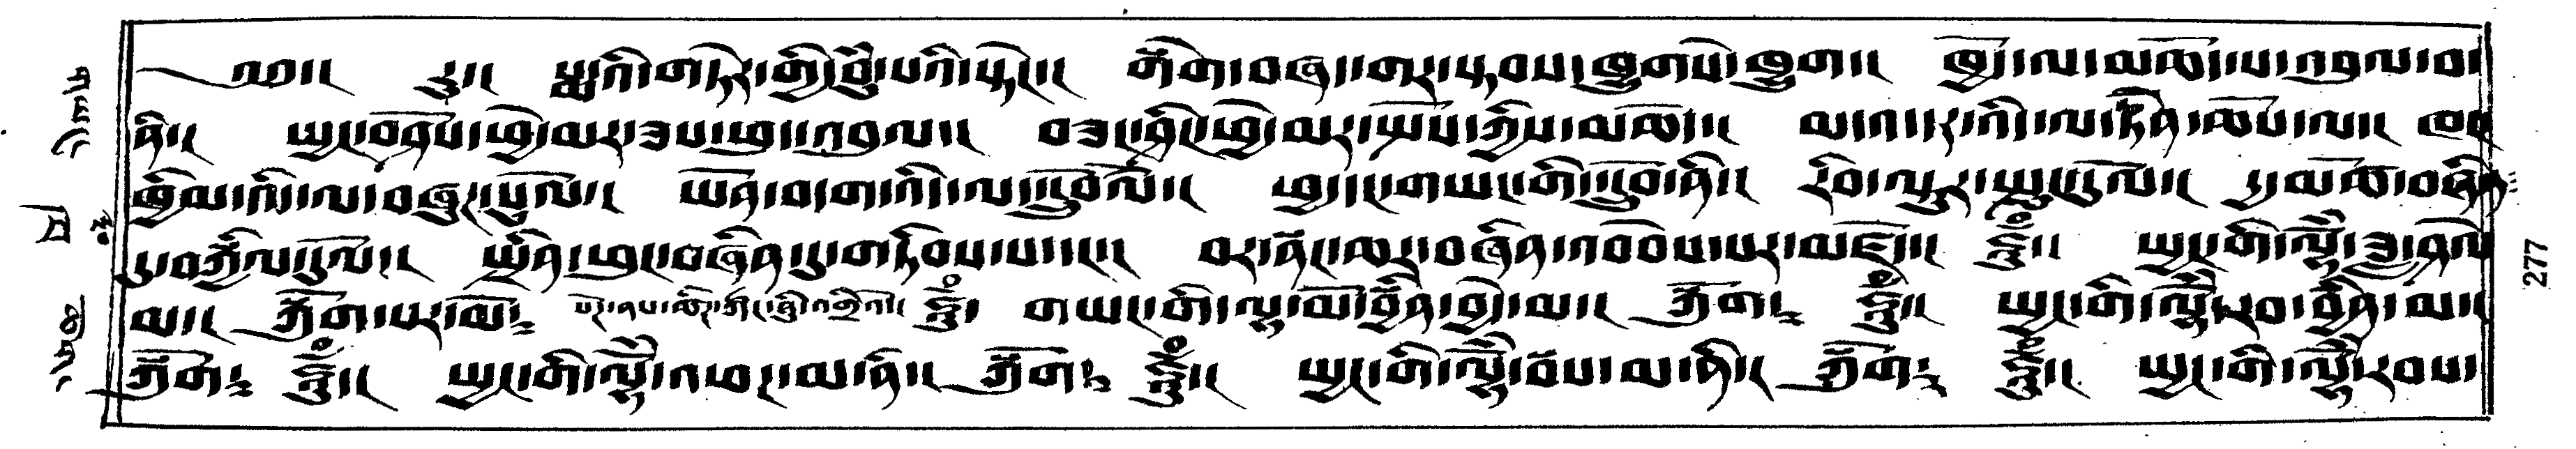རུ། །པདྨའི་གཏེར་གྱི་བུམ་པའི་སྟེང་། སྒེག་བཞད་གར་སྟབས་ཁྱུགས་སེ་ཁྱུག །ཁྱོད་ལ་མཆོད་པ་འབུལ་བ་
ནི། །གཡང་བཤོས་ཕྱེ་མར་ཟས་ཕུད་འབུལ། །བཟང་ཤིང་ཕྱེ་མར་སྤོས་ཀྱིས་མཆོད། །མདའ་དར་འདི་ལ་རྟེན་ཆོས་ལ།ཁང་
ཁྱིམ་འདི་ལ་བཞུགས་སུ་གསོལ། །ཡོན་བདག་འདི་ལ་དངོས་གྲུབ་རྩོལ། །ཕྱྭ་དང་གཡང་གི་དངོས་གྲུབ་ནི། །རི་རབ་ལྟ་བུར་སྤུང་དུ་གསོལ། །རྒྱ་མཚོ་བཞིན་
དུ་བསྐྱིལ་དུ་གསོལ། །སྤྲིན་ཕུང་བཞིན་དུ་གཏིབས་པ་དང་། །བར་སྣང་ཆར་བཞིན་འབེབས་པར་མཛོད། ཧཱུྃ། གཡང་གི་ལྷ་མོ་ཟླ་ཤེལ་
མ། །སྐུ་མདོག་སེར་མོ༴ སོགས་ནས་ཚིག་རྐང་ཉི་ཤུ་འགྲེའོ། ཧཱུྃ། གཡང་གི་ལྷ་མོ་སྦྱིན་བྱེད་མ། སྐུ་མདོག༴ ཧཱུྃ། གཡང་གི་ལྷ་མོ་རབ་སྦྱིན་མ། 
སྐུ་མདོག༴ ཧཱུྃ། གཡང་གི་ལྷ་མོ་འཕགས་མ་ནི། སྐུ་མདོག༴ ཧཱུྃ། གཡང་གི་ལྷ་མོ་སྦས་མ་ནི། སྐུ་མདོག༴ ཧཱུྃ། གཡང་གི་ལྷ་མོ་རབ་